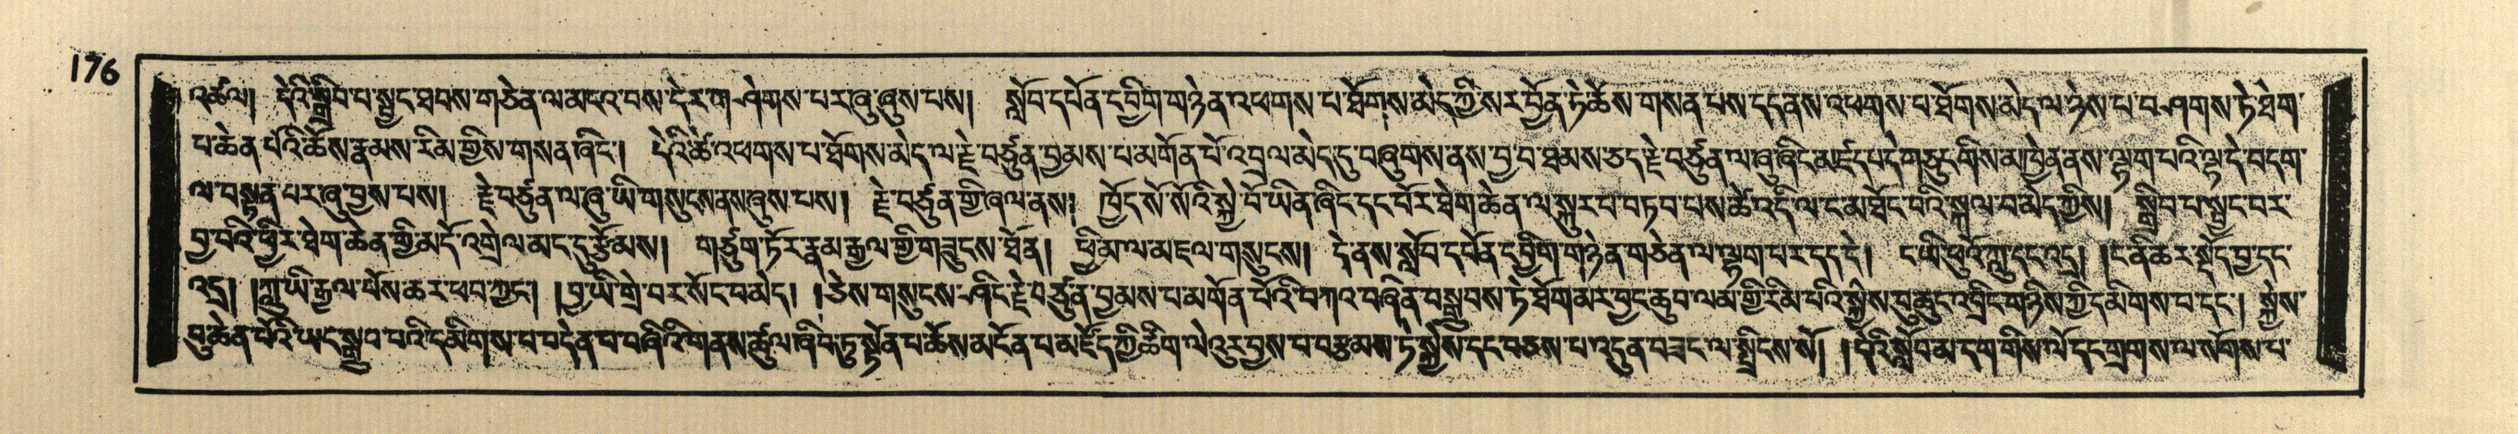འཚལ། དེའི་སྒྲིབ་པ་སྦྱང་ཐབས་གཅེན་ལ་མངའ་བས་དེར་གཤེགས་པར་ཞུ་ཞུས་པས། སློབ་དཔོན་དབྱིག་གཉེན་འཕགས་པ་ཐོགས་མེད་ཀྱི་སར་བྱོན་ཏེ་ཆོས་གསན་པས་དད་ནས་འཕགས་པ་ཐོགས་མེད་ལ་ཉེས་པ་བཤགས་ཏེ་ཐེག་
པ་ཆེན་པོའི་ཆོས་རྣམས་རིམ་གྱིས་གསན་ཞིང་། དེའི་ཚེ་འཕགས་པ་ཐོགས་མེད་ལ་རྗེ་བཙུན་བྱམས་པ་མགོན་པོ་འབྲལ་མེད་དུ་བཞུགས་ནས་བྱ་བ་ཐམས་ཅད་རྗེ་བཙུན་ལ་ཞུ་ཞིང་མཛད་པ་དེ་གཅུང་གིས་མཁྱེན་ནས་ལྷག་པའི་ལྷ་དེ་བདག་
ལ་བསྟན་པར་ཞུ་བྱས་པས། རྗེ་བཙུན་ལ་ཞུ་ཡི་གསུངས་ནས་ཞུས་པས། རྗེ་བཙུན་གྱི་ཞལ་ནས། ཁྱོད་སོ་སོའི་སྐྱེ་བོ་ཡིན་ཞིང་དང་པོར་ཐེག་ཆེ་ལ་སྐུར་བ་བཏབ་པས་ཚེ་འདི་ལ་ང་མཐོང་བའི་སྐལ་བ་མེད་ཀྱིས། སྒྲིབ་པ་སྦྱང་བར་
བྱ་བའི་ཕྱིར་ཐེག་ཆེན་གྱི་མདོ་འགྲེལ་མང་དུ་རྩོམས། གཙུག་ཏོར་རྣམ་རྒྱལ་གྱི་གཟུངས་ཐོན། ཕྱི་མ་ལ་མཇལ་གསུངས། དེ་ནས་སློབ་དཔོན་དབྱིག་གཉེན་གཅེན་ལ་ལྷག་པར་དད་དེ། ང་ཡི་ཕུའོ་ཀླུ་དང་འདྲ། ང་ནི་ཆར་སྡོད་བྱ་དང་
འདྲ། །ཀླུ་ཡི་རྒྱལ་པོས་ཆར་ཕབ་ཀྱང་། །བྱ་ཡི་གྲེ་བར་སོང་བ་མེད། །ཅེས་གསུངས་ཤིང་རྗེ་བཙུན་བྱམས་པ་མགོན་པོའི་བཀའ་བཞིན་བསྒྲུབས་ཏེ་ཐོག་མར་བྱང་ཆུབ་ལམ་གྱི་རིམ་པའི་སྐྱེས་བུ་ཆུང་ཨའབྲིང་གཉིས་ཀྱི་དམིགས་བ་དང་། སྐྱེས་
བུ་ཆེན་པོའི་ཡང་སྒྲུབ་པའི་དམིགས་པ་བདེན་པ་བཞིའི་གནས་ཚུལ་ཞིབ་ཏུ་སྟོན་པ་ཆོས་མངོན་པ་མཛོད་ཀྱི་ཚིག་ལེའུར་བྱས་པ་བརྩམས་ཏེ་སྐྱེས་དང་བཅས་པ་འདུན་བཟང་ལ་སྤྲིངས་སོ། །དེའི་སློབ་མ་དག་གིས་ལོ་དང་གྲགས་ལ་སོགས་པ་